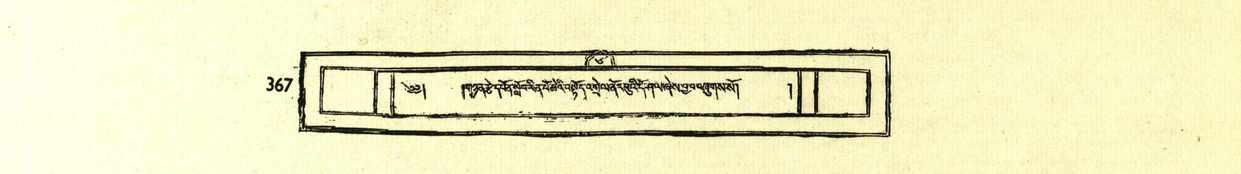༄༅། །གཉན་རྩེ་དཔོན་སློབ་རིན་པོ་ཆེའི་བསྟོད་འགྲེལ་ནོར་བུའི་དོ་ཤལ་ཞེས་བྱ་བ་བཞུགས་སོ། །